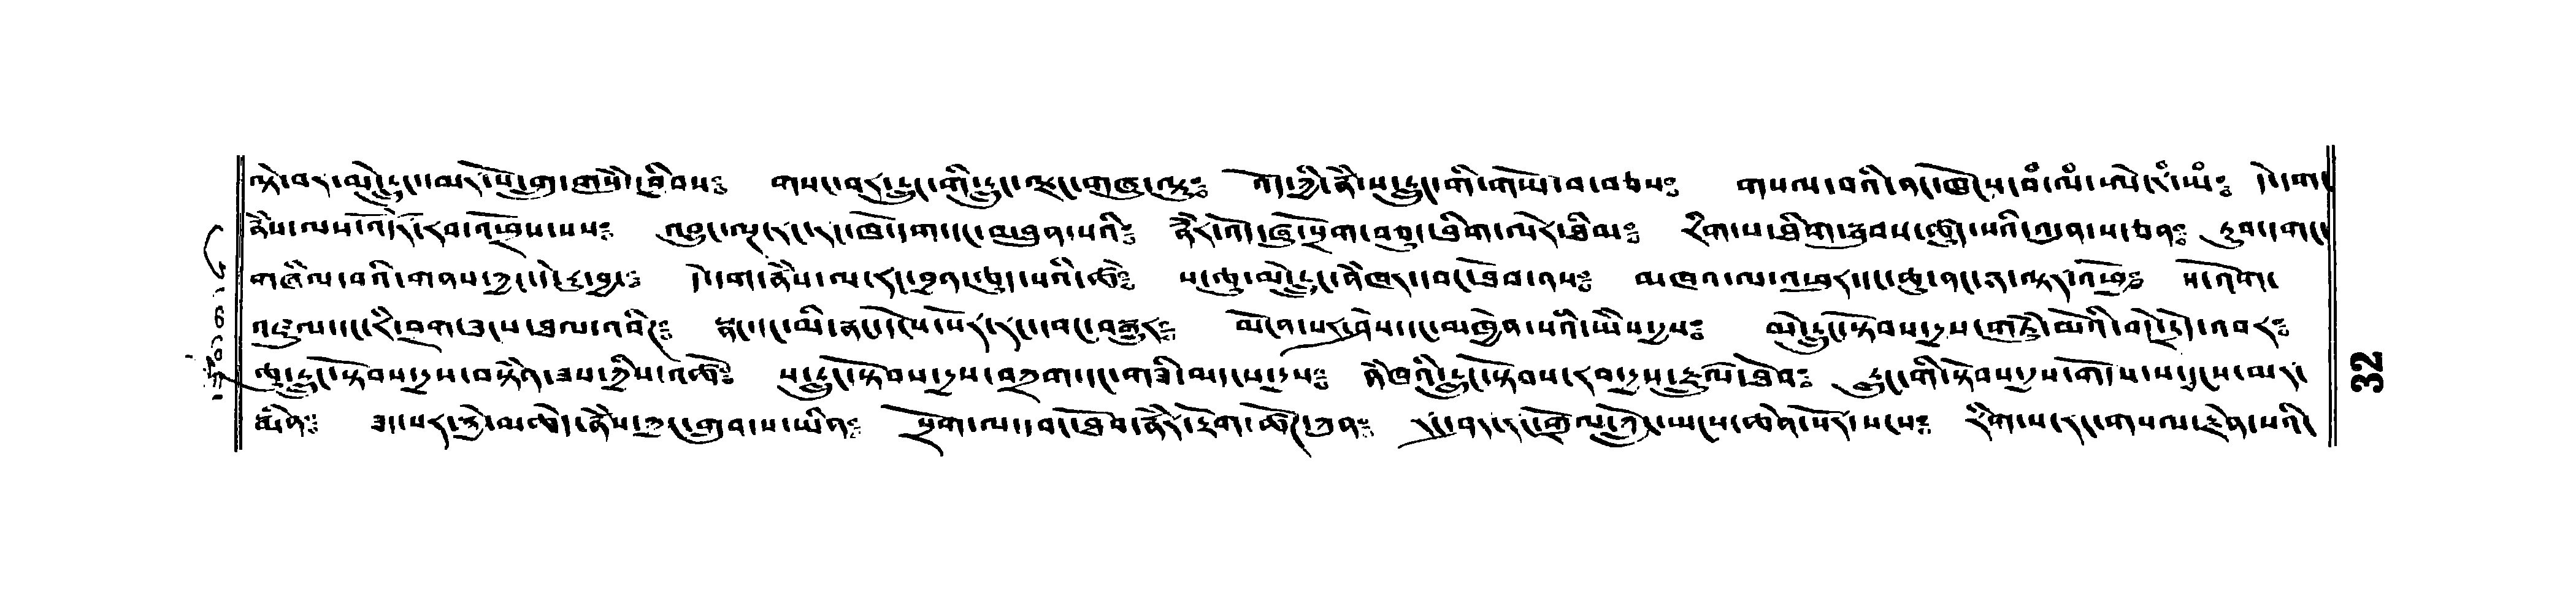ལྟེ་བར་མེ་རླུང་དམར་པོ་གྲུ་གསུམ་དབྱིབས༔ གསང་བར་རླུང་གི་རླུང་ལྗང་གཞུ་ལྟ་བུ༔ འོད་ཀྱི་རྣམ་པར་རླུང་གི་གཡོ་བ་བཅས༔ གསལ་བའི་ནང་ཁོངས་བཾ་ལཾ་ཨེ་རཾ་ཡཾཿ དེ་དག་
རྣམས་ལས་འོད་ཟེར་རབ་འཕྲོས་པས༔ འབྱུང་ལྔ་རང་རང་ཁ་དོག་དང་མཐུན་པའི༔ རྣམ་པར་འོད་ཞུ་སྲོག་བཅུད་ཐིག་ལེར་ཐིམ༔ རིག་པ་ཐིག་སྦུབས་ཚུད་པའི་འདུན་པ་ཅན༔ ཧུབ་གང་
གཞིལ་བའི་གནས་ཀྱང་དེ་རུ་བྱ༔ དེ་དག་རྣམས་ལ་རང་བྱན་ཆུད་པའི་ཚེ༔ ས་ཆུ་མེ་རླུང་ནམ་མཁར་དབང་ཐོབ་ནས༔ མཁའ་ལ་འཕུར་དང་ཆུ་ནང་ཉ་ལྟར་འཕྱོ༔ ས་འོག་
འཛུལ་དང་རི་བྲག་ཟང་ཐལ་འབིགས༔ སྣང་དང་མི་སྣང་དངོས་པོར་རང་དབང་བསྒྱུར༔ མངོན་པར་ཤེས་དང་མཁྱེན་པའི་ཡེ་ཤེས་རྒྱས༔ མེ་རླུང་སྟོབས་རྒྱས་གཏུམ་མོའི་བདེ་དྲོད་འབར༔ 
ཆུ་རླུང་སྟོབས་རྒྱས་བསྟན་མ་ཟས་ཀྱིས་འཚོ༔ ས་རླུང་སྟོབས་རྒྱས་བཀྲག་དང་གཟི་མདངས་རྒྱས༔ ནམ་མཁའི་རླུང་སྟོབས་རབ་རྒྱས་རྫུ་འཕྲུལ་འཐོབ༔ རླུང་གི་སྟོབས་རྒྱས་གདོས་པ་དྭངས་མར་
སྨིན༔ ཟད་པར་སྐྱེ་མཆེད་རྣམས་ཀྱང་གྲུབ་པ་ཡིན༔ སྲོག་ལ་དབང་ཐོབ་རྣམ་པར་རྟོག་ཚོགས་ཀུན༔ རང་ཤར་རང་གྲོལ་ཀློང་ཡངས་ཆེན་པོར་སངས༔ རིག་པ་རང་གསལ་རྗེན་པའི་